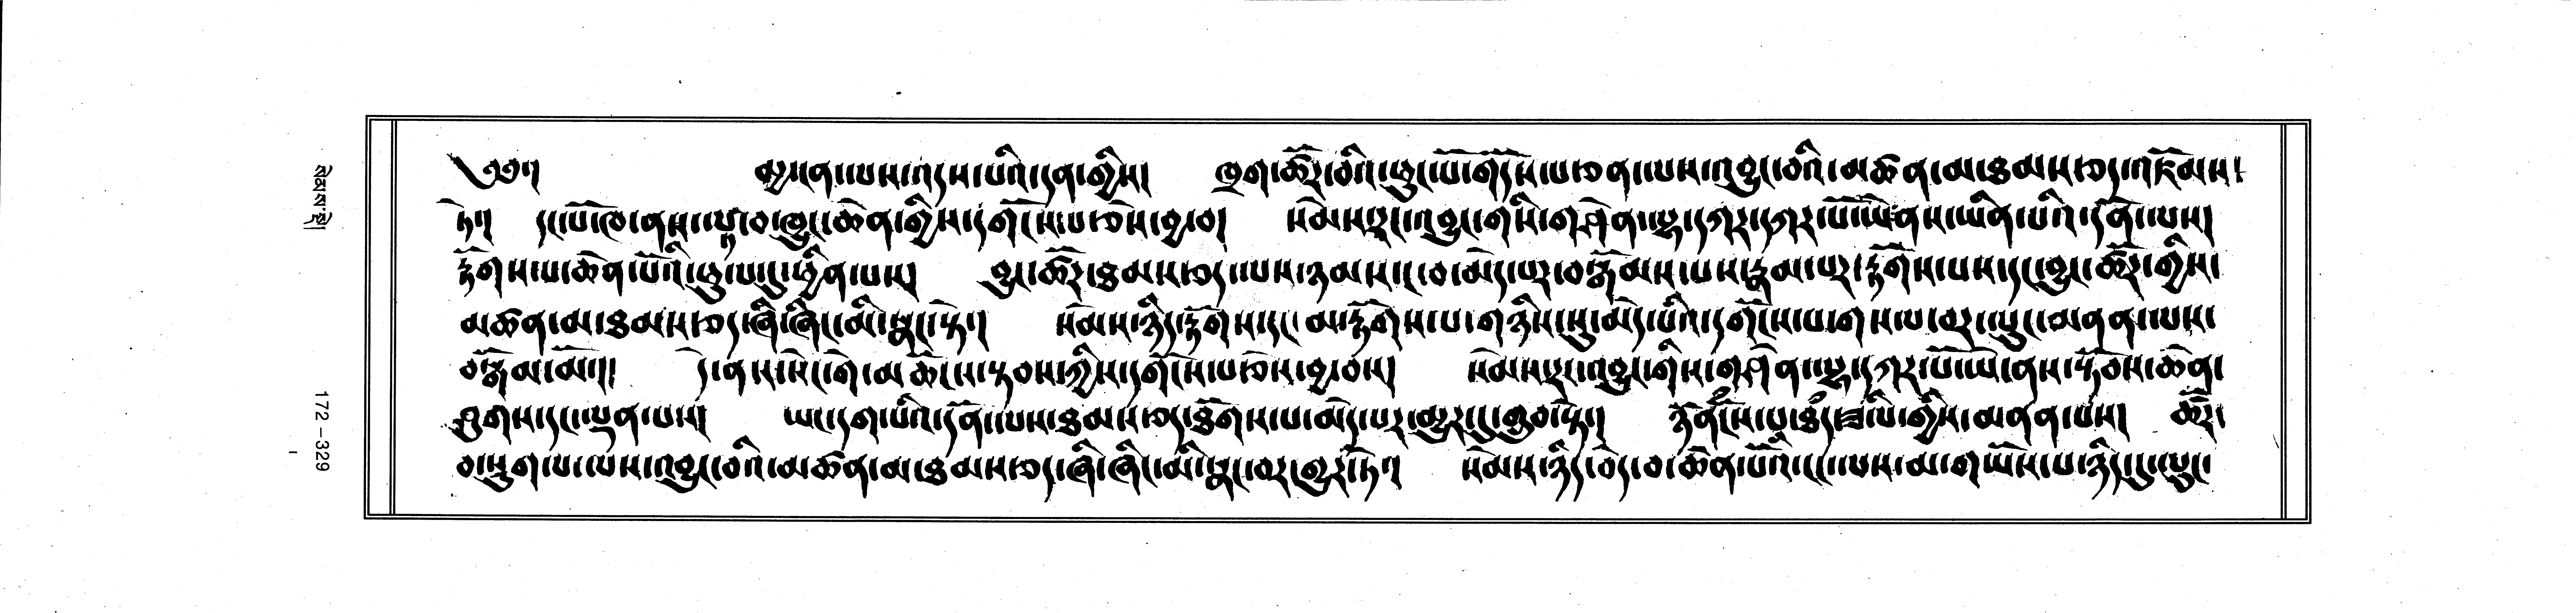མྱ་ངན་ལས་འདས་པའི་དོན་གྱིས། ཁྲག་ཚོར་བའི་ཕུང་པོ་གདོས་པ་ཅན་ལས་འབྱུང་བའི་མཚན་མ་ཐམས་ཅད་འཇོམས་
ཏེ། དང་པོ་ཁ་ནས་ལྟ་བ་ཁྱུང་ཆེན་གྱིས་དགོངས་པ་ཅེས་བྱ་བ། སེམས་རང་འབྱུང་གིས་གཤེན་ལྷ་དཀར་པོ་ཡེ་ནས་ཡིན་པའི་དོན་ལས། 
རྟོགས་པ་ཆེན་པོའི་ཕུལ་དུ་ཕྱིན་པས། བྱུང་ཚོར་ཐམས་ཅད་ལས་ཉམས་ང་བ་མེད་པར་བསྒོམས་པས་རྣམ་པར་རྟོགས་པས་དང་བྱུང་ཚོར་གྱིས་
མཚན་མ་ཐམས་ཅད་ཞི་ཞིང་མི་སྣང་སྟེ། སེམས་ཉིད་རྟོགས་དང་མ་རྟོགས་པ་གཉིས་སུ་མེད་པའི་དགོངས་པ་གསལ་བར་ལུང་མནན་ལས་
བསྒོམ་མོ། དེ་ནས་སེང་གེ་མཆོངས་སྟབས་ཀྱིས་དགོངས་པ་ཅེས་བྱ་བས། སེམས་རང་འབྱུང་གིས་གཤེན་ལྷ་དཀར་པོ་ཡེ་ནས་སྟོབས་ཆེན་
ཤུགས་དང་ལྡན་པས། ཡང་དག་པའི་དོན་ལས་ཐམས་ཅད་ཐོགས་པ་མེད་པར་མྱུར་དུ་གྲུབ་སྟེ། ཉོན་མོངས་པ་ཐམས་ཅད་ཟིལ་གྱིས་མནན་པས། ཚོར་
བ་སྡུག་བསྔལ་ལས་འབྱུང་བའི་མཚན་མ་ཐམས་ཅད་ཞི་ཞིང་མི་སྣང་བར་གྱུར་ཏེ། སེམས་ཉིད་བདེ་བ་ཆེན་པོའི་ངང་ལས་མ་གཡོས་པ་ཉིད་དུ་ལུང་